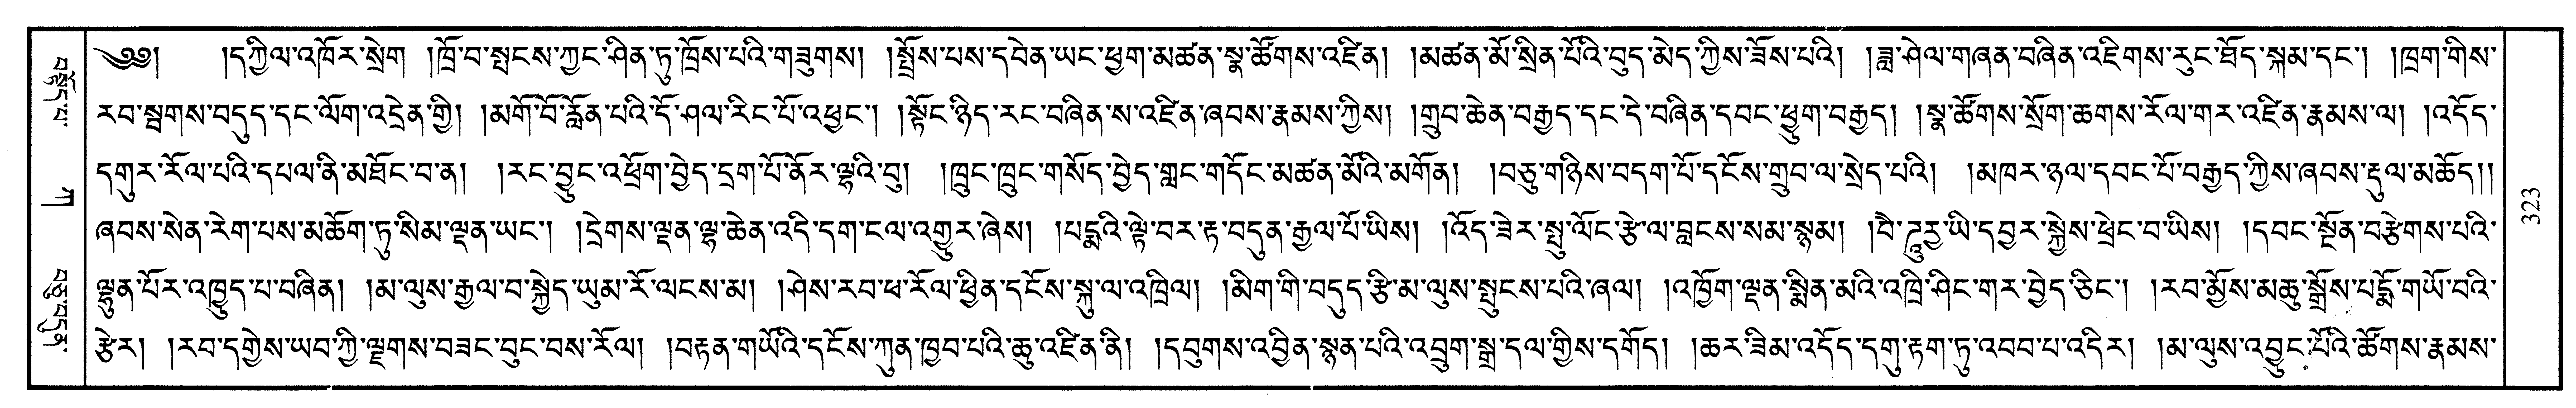༄༅། །དཀྱིལ་འཁོར་སྲེག །ཁྲོ་བ་སྤངས་ཀྱང་ཤིན་ཏུ་ཁྲོས་པའི་གཟུགས། །སྤྲོས་པས་དབེན་ཡང་ཕྱག་མཚན་སྣ་ཚོགས་འཛིན། །མཚན་མོ་སྲིན་པོའི་བུད་མེད་ཀྱིས་ཟོས་པའི། །ཟླ་ཤེལ་གཞན་བཞིན་འཇིགས་རུང་ཐོད་སྐམ་དང་། །ཁྲག་གིས་
རབ་སྦགས་བདུད་དང་ལོག་འདྲེན་གྱི། །མགོ་བོ་རློན་པའི་དོ་ཤལ་རིང་པོ་འཕྱང་། །སྟོང་ཉིད་རང་བཞིན་ས་འཛིན་ཞབས་རྣམས་ཀྱིས། །གྲུབ་ཆེན་བརྒྱད་དང་དེ་བཞིན་དབང་ཕྱུག་བརྒྱད། །སྣ་ཚོགས་སྲོག་ཆགས་རོལ་གར་འཛིན་རྣམས་ལ། །འདོད་
དགུར་རོལ་པའི་དཔལ་ནི་མཐོང་བ་ན། །རང་བྱུང་འཕྲོག་བྱེད་དྲག་པོ་ནོར་ལྷའི་བུ། །ཁྲུང་ཁྲུང་གསོད་བྱེད་གླང་གདོང་མཚན་མོའི་མགོན། །བཅུ་གཉིས་བདག་པོ་དངོས་གྲུབ་ལ་སྲེད་པའི། །མཁར་ཉལ་དབང་པོ་བརྒྱད་ཀྱིས་ཞབས་རྡུལ་མཆོད།།
ཞབས་སེན་རེག་པས་མཆོག་ཏུ་སིམ་ལྡན་ཡང་། །དྲེགས་ལྡན་ལྷ་ཆེན་འདི་དག་ངལ་འགྱུར་ཞེས། །པདམའི་ལྟེ་བར་རྟ་དུན་རྒྱལ་པོ་ཡིས། །འོད་ཟེར་སྤུ་ལོང་རྩེ་ལ་བླངས་སམ་སྙམ། །བཻ་ཌཱུརྱ་ཡི་དབྱར་སྐྱེས་ཕྲེང་བ་ཡིས། །དབང་སྔོན་བརྩེགས་པའི་
ལྷུན་པོར་འཁྱུད་པ་བཞིན། །མ་ལུས་རྒྱལ་བ་སྐྱེད་ཡུམ་རོ་ལངས་མ། །ཤེས་རབ་ཕ་རོལ་ཕྱིན་དངོས་སྐུ་ལ་འཁྲིལ། །མིག་གི་བདུད་རྩི་མ་ལུས་སྤུངས་པའི་ཞལ། །འཁྱོག་ལྡན་སྨིན་མའི་འཁྲི་ཤིང་གར་བྱེད་ཅིང་། །རབ་མྱོས་མཆུ་སྒྲོས་པདམོ་གཡོ་བའི་
རྩེར། །རབ་དགྱེས་ཡབ་ཀྱི་ལྗགས་བཟང་བུང་བས་རོལ། །བརྟན་གཡོའི་དངོས་ཀུན་ཁྱབ་པའི་ཆུ་འཛིན་ནི། །དབུགས་འབྱིན་སྙན་པའི་འབྲུག་སྒྲ་དལ་གྱིས་དགོད། །ཆར་ཟིམ་འདོད་དགུ་རྟག་ཏུ་འབབ་པ་འདིར། །མ་ལུས་འབྱུང་པོའི་ཚོགས་རྣམས་